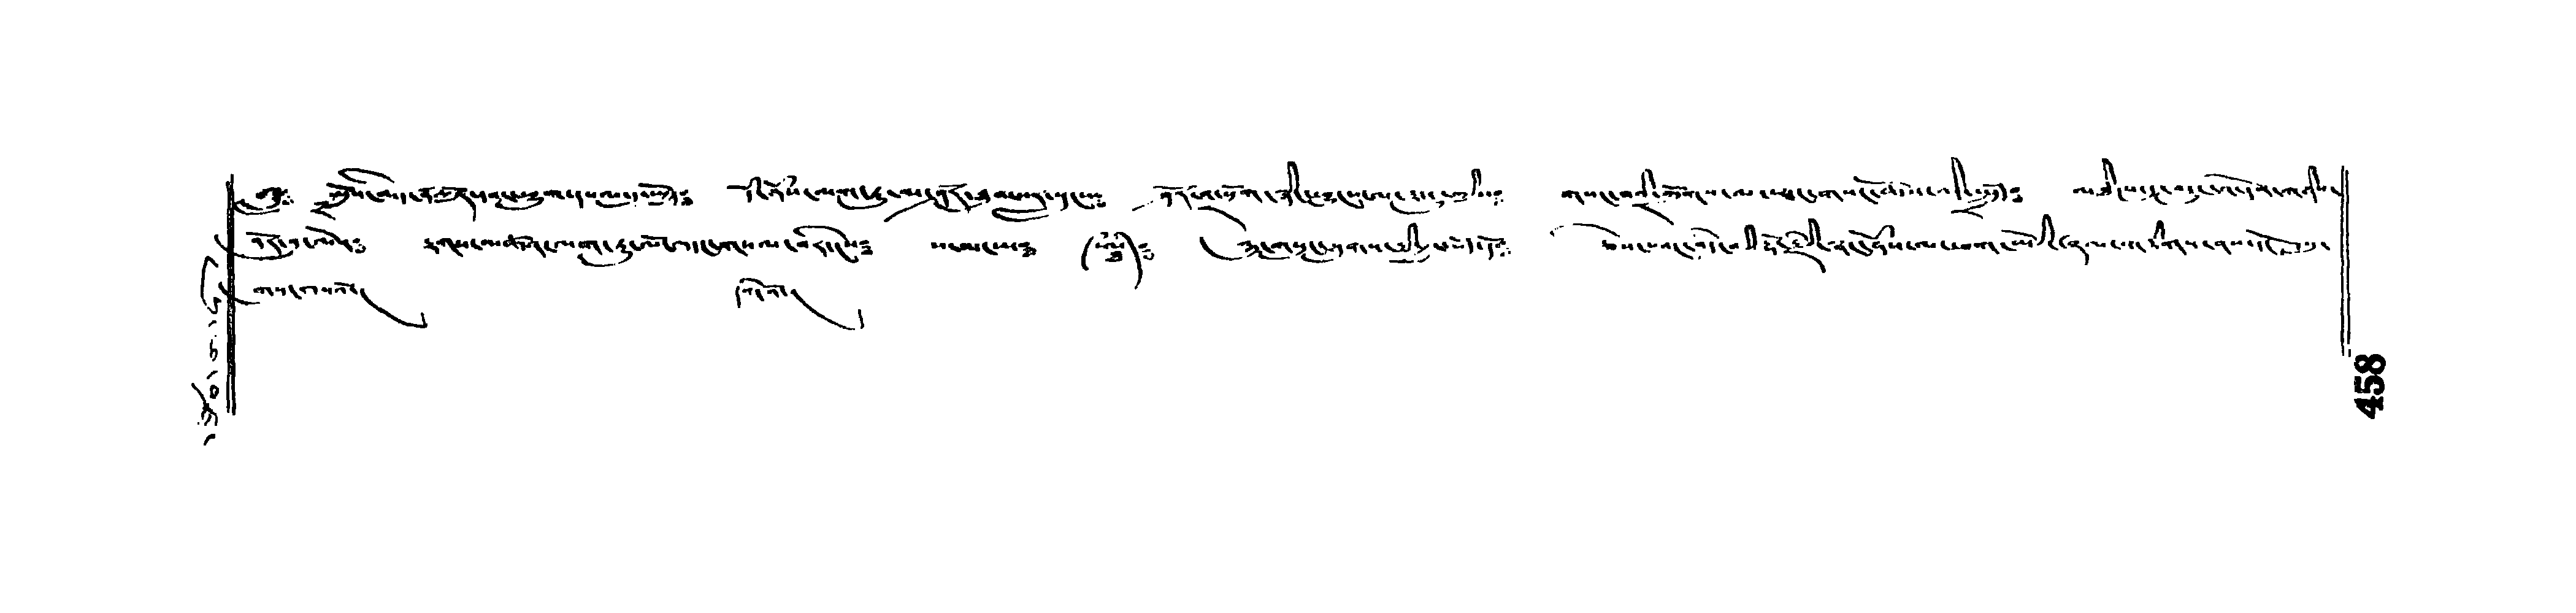བཟླ༔ སྤྲོས་མེད་རྣལ་འབྱོར་དབང་ཕྱུག་དཔལ་དུ་སྤྱོད༔ དམ་ཉམས་ལག་ཏུ་མ་ཤོར་ཐུབ་པར་སྲུངས༔ ཤོར་ན་སྲོག་སྙིང་ཕྱུངས་ལ་ཟ་ངུ་གྱིས༔ གསང་བའི་གྲོགས་ལ་ཡང་གསང་ཆོས་འིད་སྤྲོད༔ མཐིལ་དུ་བཟུང་ན་དོན་གཉིས་
ནོར་བུ་ལེན༔ རྟགས་མཚན་ལག་ཏུ་ལོངས་དང་གསལ་བར་ངེས༔ ས་མ་ཡ༔ ཿ སྐུ་གསུང་ཐུགས་ཀྱི་རྒྱ་ཡོད་དོ༔ ཅེས་པའང་བདེ་བའི་རྡོ་རྗེའི་སྣང་ཉམས་ལ་ཕག་མོས་ཞལ་གཟིགས་ནས་དངོས་སུ་
གསུངས་པའོ།།